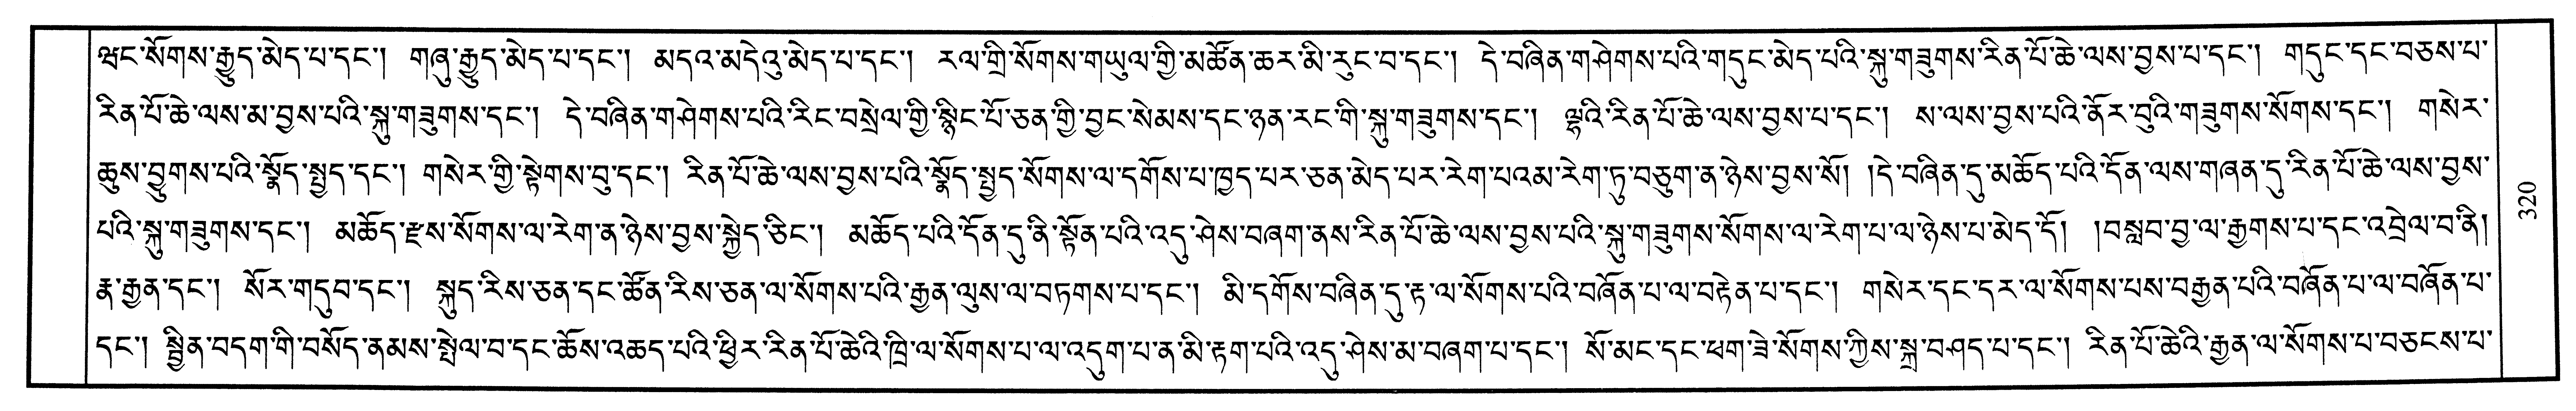ཝང་སོགས་རྒྱུད་མེད་པ་དང་། གཞུ་རྒྱུད་མེད་པ་དང་། མདའ་མདེའུ་མེད་པ་དང་། རལ་གྲི་སོགས་གཡུལ་གྱི་མཚོན་ཆར་མི་རུང་བ་དང་། དེ་བཞིན་གཤེགས་པའི་གདུང་མེད་པའི་སྐུ་གཟུགས་རིན་པོ་ཆེ་ལས་བྱས་པ་དང་། གདུང་དང་བཅས་པ་
རིན་པོ་ཆེ་ལས་མ་བྱས་པའི་སྐུ་གཟུགས་དང་། དེ་བཞིན་གཤེགས་པའི་རིང་བསྲེལ་གྱི་སྙིང་པོ་ཅན་གྱི་བྱང་སེམས་དང་ཉན་རང་གི་སྐུ་གཟུགས་དང་། ལྷའི་རིན་པོ་ཆེ་ལས་བྱས་པ་དང་། ས་ལས་བྱས་པའི་ནོར་བུའི་གཟུགས་སོགས་དང་། གསེར་
ཆུས་བྱུགས་པའི་སྣོད་སྤྱད་དང་། གསེར་གྱི་སྟེགས་བུ་དང་། རིན་པོ་ཆེ་ལས་བྱས་པའི་སྣོད་སྤྱད་སོགས་ལ་དགོས་པ་ཁྱད་པར་ཅན་མེད་པར་རེག་པའམ་རེག་ཏུ་བཅུག་ན་ཉེས་བྱས་སོ། །དེ་བཞིན་དུ་མཆོད་པའི་དོན་ལས་གཞན་དུ་རིན་པོ་ཆེ་ལས་བྱས་
པའི་སྐུ་གཟུགས་དང་། མཆོད་རྫས་སོགས་ལ་རེག་ན་ཉེས་བྱས་སྐྱེད་ཅིང་། མཆོད་པའི་དོན་དུ་ནི་སྟོན་པའི་འདུ་ཤེས་བཞག་ནས་རིན་པོ་ཆེ་ལས་བྱས་པའི་སྐུ་གཟུགས་སོགས་ལ་རེག་པ་ལ་ཉེས་པ་མེད་དོ། །བསླབ་བྱ་ལ་རྒྱགས་པ་དང་འབྲེལ་བ་ནི།
རྣ་རྒྱན་དང་། སོར་གདུབ་དང་། སྐུད་རིས་ཅན་དང་ཚོན་རིས་ཅན་ལ་སོགས་པའི་རྒྱན་ལུས་ལ་བཏགས་པ་དང་། མི་དགོས་བཞིན་དུ་རྟ་ལ་སོགས་པའི་བཞོན་པ་ལ་བརྟེན་པ་དང་། གསེར་དང་དར་ལ་སོགས་པས་བརྒྱན་པའི་བཞོན་པ་ལ་བཞོན་པ་
དང་། སྦྱིན་བདག་གི་བསོད་ནམས་སྤེལ་བ་དང་ཆོས་འཆད་པའི་ཕྱིར་རིན་པོ་ཆེའི་ཁྲི་ལ་སོགས་པ་ལ་འདུག་པ་ན་མི་རྟག་པའི་འདུ་ཤེས་མ་བཞག་པ་དང་། སོ་མང་དང་ཕག་ཟེ་སོགས་ཀྱིས་སྐྲ་བཤད་པ་དང་། རིན་པོ་ཆེའི་རྒྱན་ལ་སོགས་པ་བཅངས་པ་